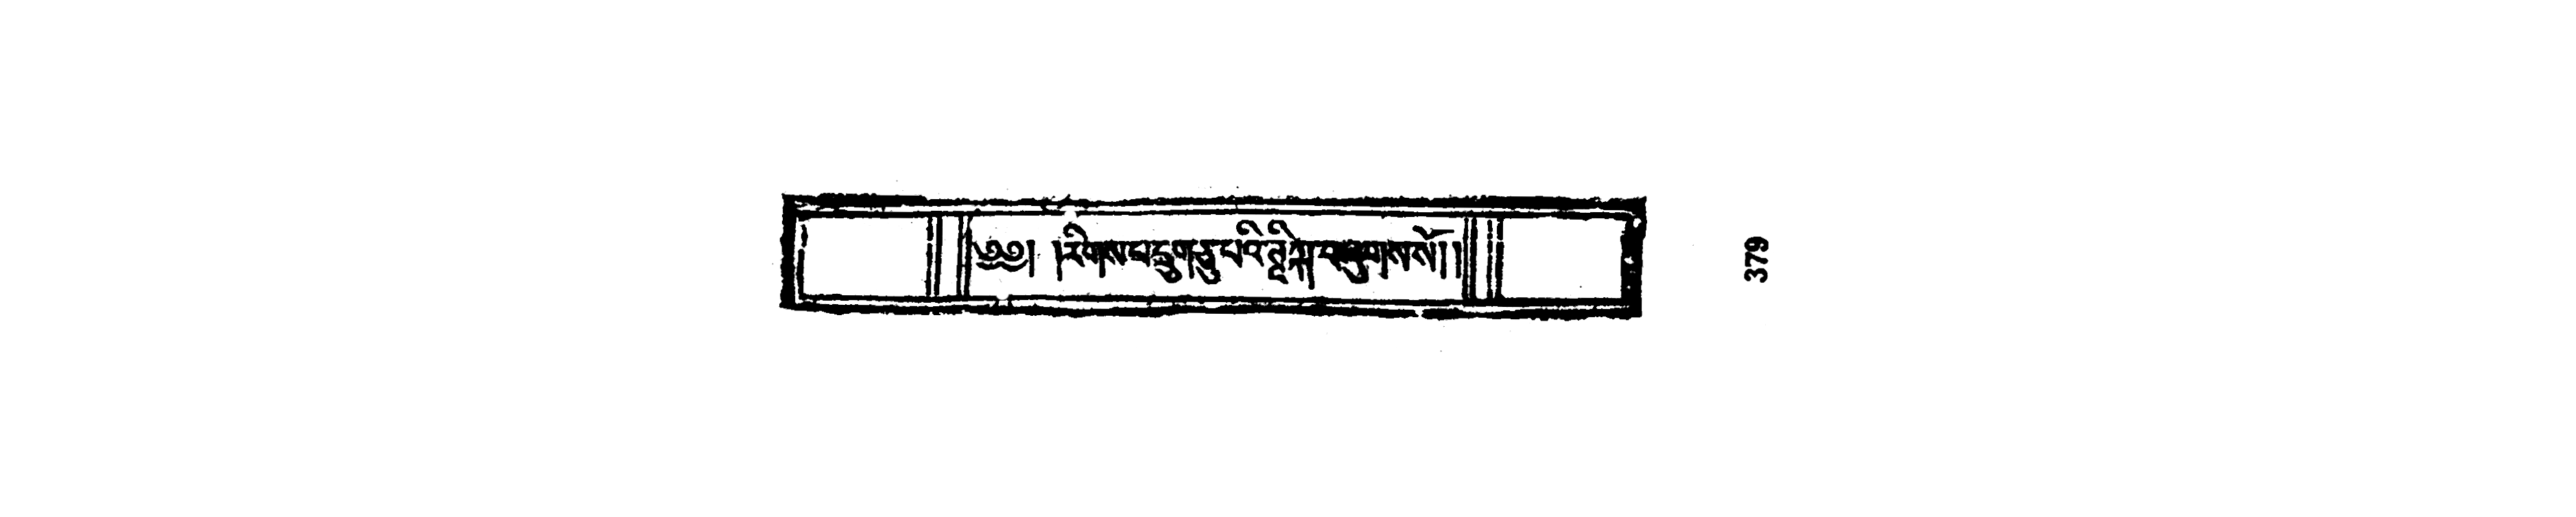༄༅། །རིགས་པ་དྲུག་ཅུ་པའི་ཊཱིཀྐ་བཞུགས་སོ། །